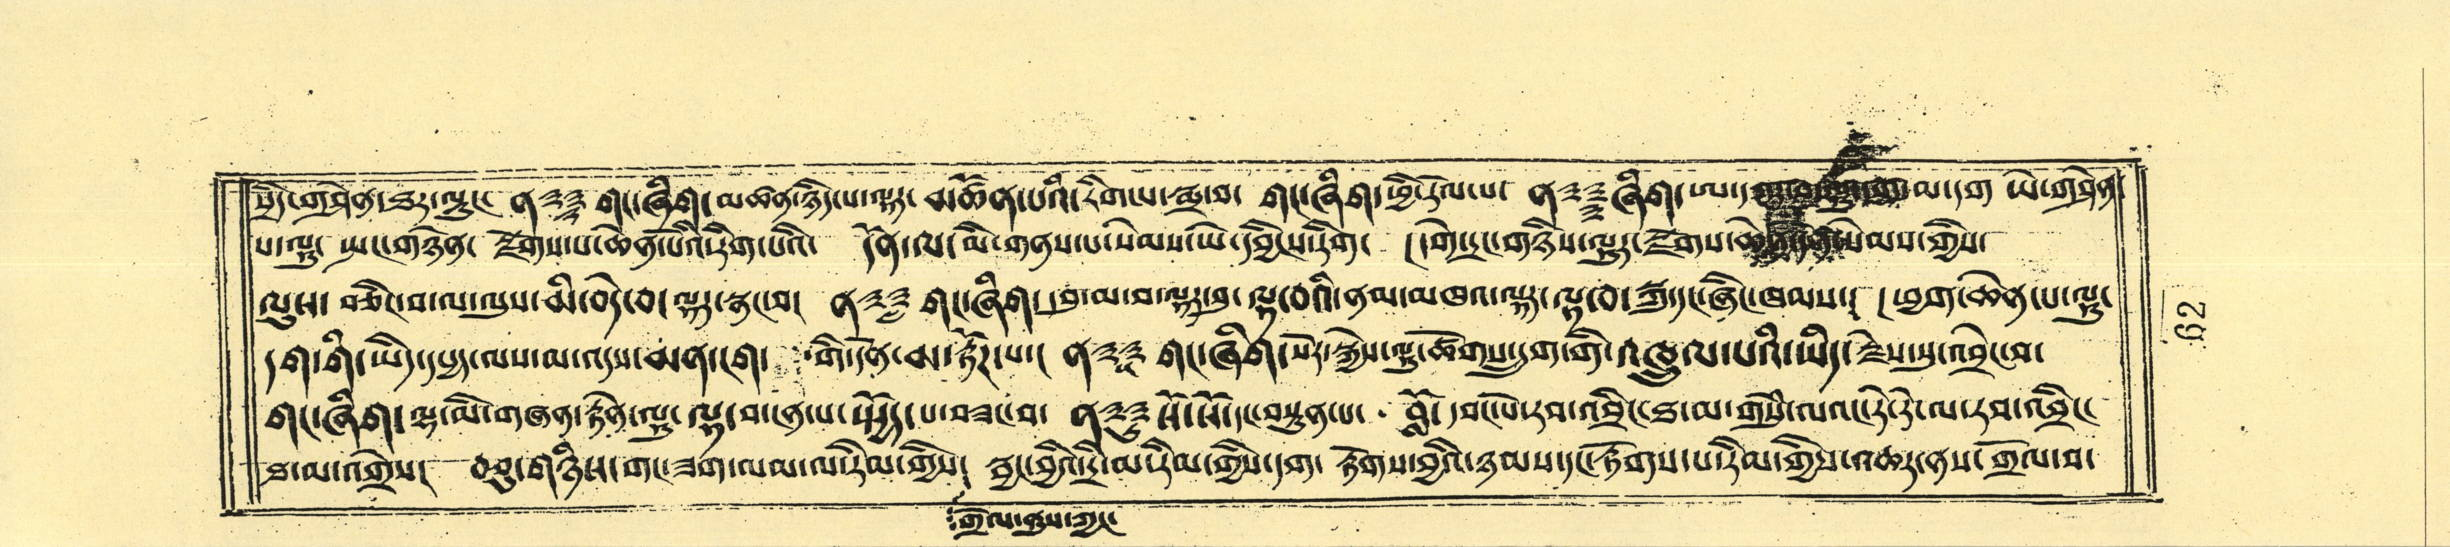སྲིད་གཤེན་ཐར་གླུད་ན༣༣།༢ ༼གང་ཞིག༽མཚན་ཉིད་པ་ལྟར་༼མཚོན་པའི་༽རིག་པ་སྨྲ་བ་༼གང་ཞིག༽ཕྱི་རོལ་པ་ན༣༣།༣ ཨ་དཀར་བ་རྒྱུ་དག་མ་དག་ཡེ་གཤེན་
པ་ལྟ་བུ་སྤང་གཉེན་རྫོགས་པ་ཆེན་པོའི་རིག་པའི་༼དོན་ལ༽མི་གནས་པའི་སེམས་ཡེ་དབྱིངས་རིག དགེ་དྲང་གཉིས་ལྟ་བུར་རྫོགས་ཆེན་དོན་སེམས་ཀྱིས་
ལུས་བཅིང་བ་ལ་ལུས་༼མི་བདེ་བ༽ལྟར་སྣང་བ་ན༣༣།༤༼གང་ཞིག༽དབུ་མ་བ་ལྟ་བུ་༼ལྟ་བའི༽ནམ་མཁའ་ལྟར་༼ལྟ་བ༽སྐུ་དང་ཞིང་ཁམས་ཕྱག་ཆེན་པ་ལྟ་བུ་
དག་གི་ཡིད་དཔྱད་ལས་མ་འདས་༼མན་ངག༽གི་དོན་མ་རྟོགས་པ་ན༣༣།༥༼གང་ཞིག༽སོ་སྐྱེས་ལྟ་བུ་ཚོགས་དྲུག་གི་༼འཁྲུལ་པའི་ཡིད༽རྗེས་སུ་འབྲེང་བ་
གང་ཞིག༽ལྷ་མི་གཞན་བརྟེན་ལྟ་བུ་༼ལྟ་བ༽ངན་པ་༼སྤྱོད༽པ་བཟང་བ་ན༣༣།༦༼སོ་སོ༽དང་བསྟུན་པ་༼བློ༽དབང་པོ་རབ་འབྲིང་ཐ་མ་གསུམ་ལའང་རེ་རེ་ལ་རབ་འབྲིང་
ཐ་མ་འགྲེས།༼བཅུ་གཉིས༽གང་ཟག་ལམ་ལ་རིམ་གྱིས་གྲོལ་ནུས་ཀྱང་། སྦྱང་བྱའི་དྲི་མ་རིམ་གྱིས་དག རྟོགས་བྱའི་ཉམས་དང་རྟོགས་པ་རིམ་གྱིས་འཆར་ནས་གྲོལ་བ་